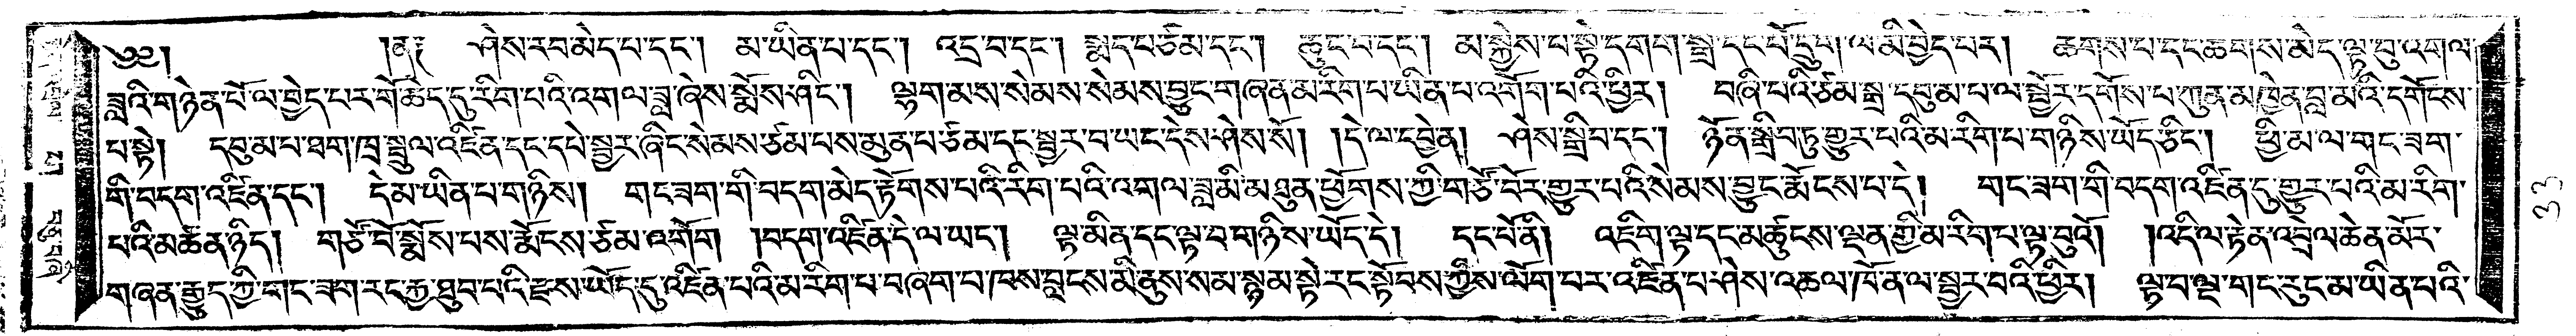༄༅། །ན༑ ཤེས་རབ་མེད་པ་དང་། མ་ཡིན་པ་དང་། འདྲ་བ་དང་། སྨད་པ་ཙམ་དང་། ཆུང་པ་དང་། མ་སྐྱེས་པ་སྟེ་དགག་སྒྲ་དང་པོ་དྲུག་ལ་མི་བྱེད་པར། ཆགས་པ་དང་ཆགས་མེད་ལྟ་བུ་འགལ་
ཟླའི་གཉེན་པོ་ལ་བྱེད་པར་གོ་ཆེད་དུ་རིག་པའི་འགལ་ཟླ་ཞེས་སྨོས་ཤིང་། ལྷག་མས་སེམས་སེམས་བྱུང་གཞན་མ་རིག་པ་ཡིན་པ་འགོག་པའི་ཕྱིར། བཞི་པའི་ཙམ་སྒྲ་དབུ་མ་པ་ལ་སྦྱོར་དགོས་པ་ཀུན་མཁྱེན་བླ་མའི་དགོངས་
པ་སྟེ། དབུ་མ་པ་ཐག་ཁྲ་སྦྲུལ་འཛིན་དང་དཔེ་སྦྱར་ཞིང་སེམས་ཙམ་པས་མུན་པ་ཙམ་དང་སྦྱར་བ་ཡང་དེས་ཤེས་སོ། །དེ་ལ་དབྱེ་ན། ཤེས་སྒྲིབ་དང་། ཉོན་སྒྲིབ་ཏུ་གྱུར་པའི་མ་རིག་པ་གཉིས་ཡོད་ཅིང་། ཕྱི་མ་ལ་གང་ཟག་
གི་བདག་འཛིན་དང་། དེ་མ་ཡིན་པ་གཉིས། གང་ཟག་གི་བདག་མེད་རྟོགས་པའི་རིག་པའི་འགལ་ཟླ་མི་མཐུན་ཕྱོགས་ཀྱི་གཙོ་བོར་གྱུར་པའི་སེམས་བྱུང་རྨོངས་པ་དེ། གང་ཟག་གི་བདག་འཛིན་དུ་གྱུར་པའི་མ་རིག་
པའི་མཚན་ཉིད། གཙོ་བོ་སྨོས་པས་རྨོངས་ཙམ་འགོག །བདག་འཛིན་དེ་ལ་ཡང་། ལྟ་མིན་དང་ལྟ་བ་གཉིས་ཡོད་དེ། དང་པོ་ནི། འཇིག་ལྟ་དང་མཚུངས་ལྡན་གྱི་མ་རིག་པ་ལྟ་བུའོ། །འདི་ལ་རྟེན་འབྲེལ་ཆེན་མོར་
གཞན་རྒྱུད་ཀྱི་གང་ཟག་རང་རྐྱ་ཐུབ་པའི་རྫས་ཡོད་དུ་འཛིན་པའི་མ་རིག་པ་བཞག་པ་ཁས་བླངས་མི་ནུས་སམ་སྙམ་སྟེ་རང་སྟོབས་ཀྱིས་ལོག་པར་འཛིན་པ་ཤེས་འཆལ་ཁོ་ན་ལ་སྦྱར་བའི་ཕྱིར། ལྟ་བ་ལྔ་གང་རུང་མ་ཡིན་པའི་